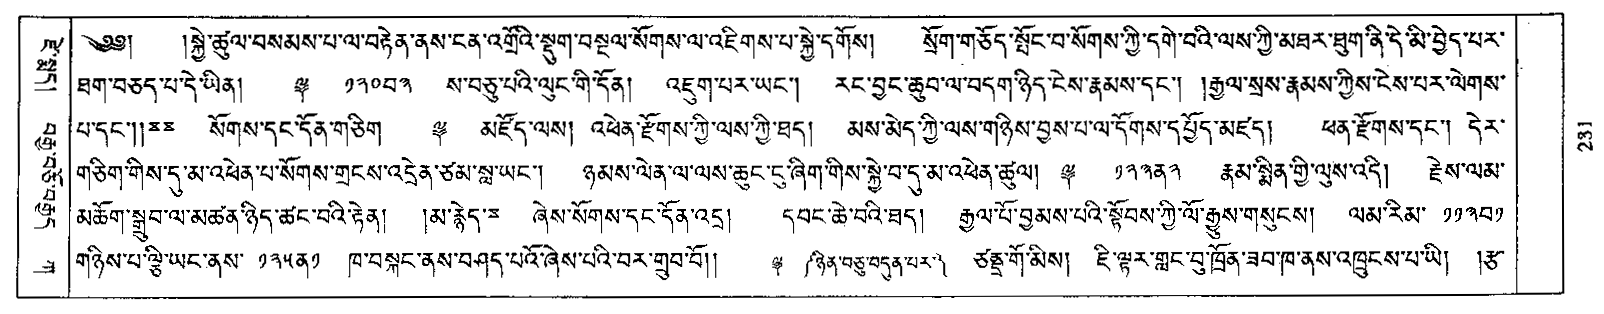༄༅། །སྐྱེ་ཚུལ་བསམས་པ་ལ་བརྟེན་ནས་ངན་འགྲོའི་སྡུག་བསྔལ་སོགས་ལ་འཇིགས་པ་སྐྱེ་དགོས། སྲོག་གཅོད་སྤོང་བ་སོགས་ཀྱི་དགེ་བའི་ལས་ཀྱི་མཐར་ཐུག་ནི་དེ་མི་བྱེད་པར་
ཐག་བཅད་པ་དེ་ཡིན། ༈ ༡༢༠་བ ༣་ས་བཅུ་པའི་ལུང་གི་དོན། འཇུག་པར་ཡང་། རང་བྱང་ཆུབ་ལ་བདག་ཉིད་ངེས་རྣམས་དང་། །རྒྱལ་སྲས་རྣམས་ཀྱིས་ངེས་པར་ལེགས་
པ་དང།། ྾྾་སོགས་དང་དོན་གཅིག ༈ མཛོད་ལས། འཕེན་རྫོགས་ཀྱི་ལས་ཀྱི་ཐད། མས་མེད་ཀྱི་ལས་གཉིས་བྱས་པ་ལ་དོགས་དཔྱོད་མཛད། ཕན་རྫོགས་དང་། དེར་
གཅིག་གིས་དུ་མ་འཕེན་པ་སོགས་གྲངས་འདྲེན་ཙམ་སླ་ཡང་། ཉམས་ལེན་ལ་ལས་ཆུང་ངུ་ཞིག་གིས་སྐྱེ་བ་དུ་མ་འཕེན་ཚུལ། ༈ ༡༢༣་ན ༢་རྣམ་སྨིན་གྱི་ལུས་འདི། རྗེས་ལམ་
མཆོག་སྒྲུབ་ལ་མཚན་ཉིད་ཚང་བའི་རྟེན། །མ་རྙེད་྾་ཞེས་སོགས་དང་དོན་འདྲ། དབང་ཆེ་བའི་ཐད། རྒྱལ་པོ་བྱམས་པའི་སྟོབས་ཀྱི་ལོ་རྒྱུས་གསུངས། ལམ་རིམ ༡༡༣་བ ༡
གཉིས་པ་ལྕི་ཡང་ནས ༡༢༥་ན ༡་ཁ་བསྐང་ནས་བཤད་པའོ་ཞེས་པའི་བར་གྲུབ་བོ།། ༈ ཉིན་བཅུ་བདུན་པར྄་ཙྣྡྲ་གོ་མིས། ཇི་ལྟར་གླང་བུ་ཁྲོན་ཟབ་ཁ་ནས་འཁྲུངས་པ་ཡི། །རྩ་